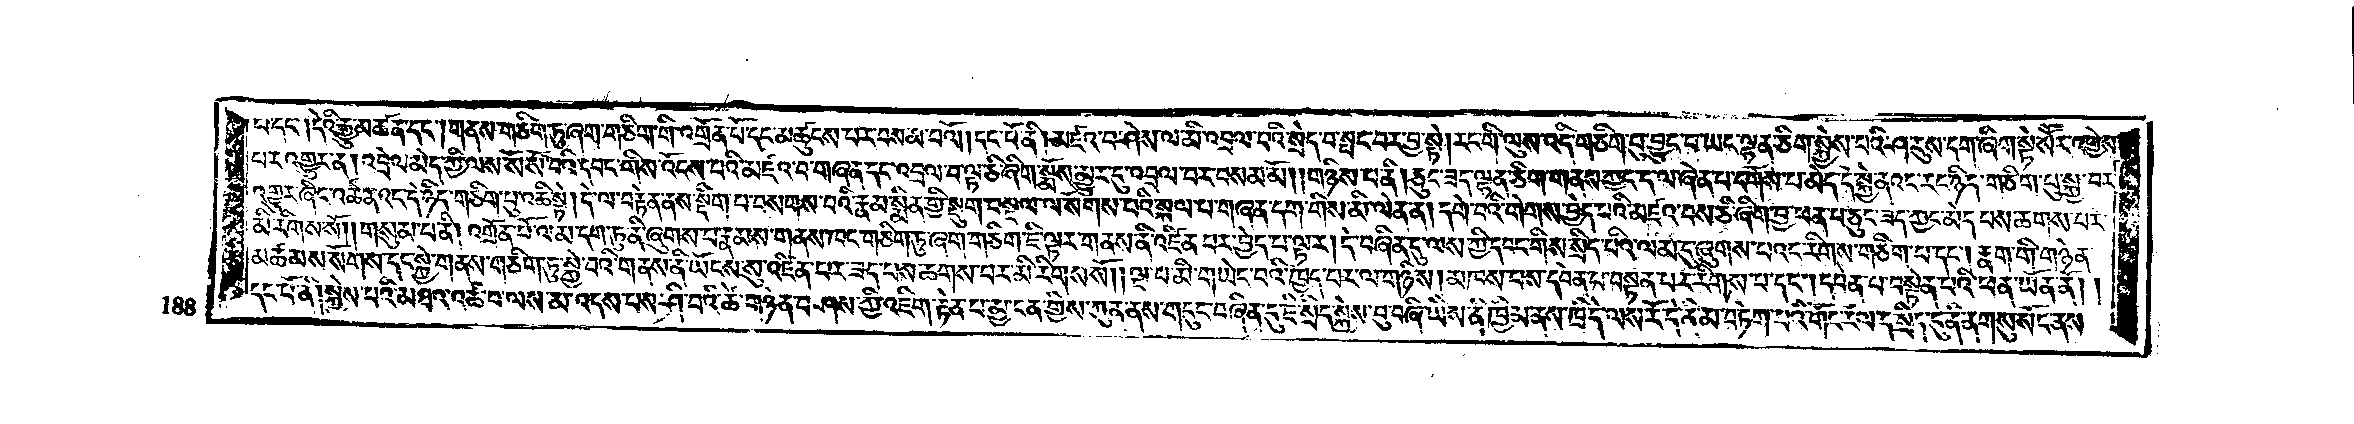པ་དང་། དེའི་རྒྱུ་མཚན་དང་། གནས་གཅིག་ཏུ་ཞག་གཅིག་གི་འགྲོན་པོ་དང་མཚུངས་པར་བསམ་པའོ། །དང་པོ་ནི། མཛའ་བཤེས་ལ་མི་འབྲལ་བའི་སྲེད་པ་སྤང་བར་བྱ་སྟེ། རང་གི་ལུས་འདི་གཅིག་བུ་བྱུང་བ་ཡང་ལྷན་ཅིག་སྐྱེས་པའི་ཤ་རུས་དག་ཞིག་སྟེ་སོ་སོར་འགྱེས?
པར་འགྱུར་ན། འབྲེལ་མེད་ཀྱི་ལས་སོ་སོ་བའི་དབང་གིས་འོངས་པའི་མཛའ་བ་གཞན་དང་འབྲལ་བ་ལྟ་ཅི་ཞིག་སྨོས་མྱུར་དུ་འབྲལ་བར་བསམ་མོ། །གཉིས་པ་ནི། ཅུང་ཟད་ལྷན་ཅིག་གནས་ཀྱང་ད་ལ་ཞེན་པ་དགོས་པ་མེད་དེ་སྐྱེ་ནའང་རང་ཉིད་གཅིག་པུ་སྐྱེ་བར་
འགྱུར་ཞིང་འཚན་འང?་དེ་ཉིད་གཅིག་པུ་འཆི་སྟེ། དེ་ལ་བརྟེན་ནས་སྡིག་པ་བསགས་པའི་རྣམ་སྨིན་གྱི་སྡུག་བསྔལ་ལ་སོགས་པའི་སྐལ་པ་གཞན་དག་གིས་མི་ལེན་ན། དགེ་བའི་གེགས་བྱེད་པའི་མཛའ་བས་ཅི་ཞིག་བྱ་ཕན་པ་ཅུང་ཟད་ཀྱང་མེད་པས་ཆགས་པར་
མི་རིགས་སོ། །གསུམ་པ་ནི། འགྲོན་པོ་ལ་མ་དག་ཏུ་ནི་ཞུགས་པ་རྣམས་གནས་ཁང་གཅིག་ཏུ་ཞག་གཅིག་ཇི་ལྟར་གནས་ནི་འཛིན་པར་བྱེད་པ་ལྟར། དེ་བཞིན་དུ་ལས་ཀྱི་དབང་གིས་སྲིད་པའི་ལམ་དུ་ཞུགས་པའང་རིགས་གཅིག་པ་དང་། རྣག་གི་གཉེན་
མཚམས་སོགས་དང་སྐྱེ་གནས་གཅིག་ཏུ་སྐྱེ་བའི་གནས་ནི་ཡོང་སུས་འཛིན་པར་ཟད་པས་ཆགས་པར་མི་རིགས་སོ། །ལྔ་པ་མི་གཡེང་བའི་ཁྱད་པར་ལ་གཉིས། མཁས་པས་དབེན་པ་བསྟན་པར་རིགས་པ་དང་། དབེན་པ་བསྟེན་པའི་ཕན་ཡོན་ནོ། །
དང་པོ་ནི། སྐྱེས་པའི་མཐའ་འཚོ་བ་ལས་མ་འདས་པས་ཤི་བའི་ཚེ་གཉེན་བཤེས་ཀྱི་འཇིག་རྟེན་པ་མྱ་ངན་གྱིས་ཀུན་ནས་གདུང་བཞིན་དུ་ཇི་སྲིད་སྐྱེས་བུ་བཞི་ཡིས་ནི་ཁྱིམ་ནས་ཁྲི་དེ་ལས་རོ་དེ་ནི་མ་བཏེག་པའི་གོང་རོལ་དེ་སྲིད་དུ་ནི་ན་གསུ?་སོང?་ནས།